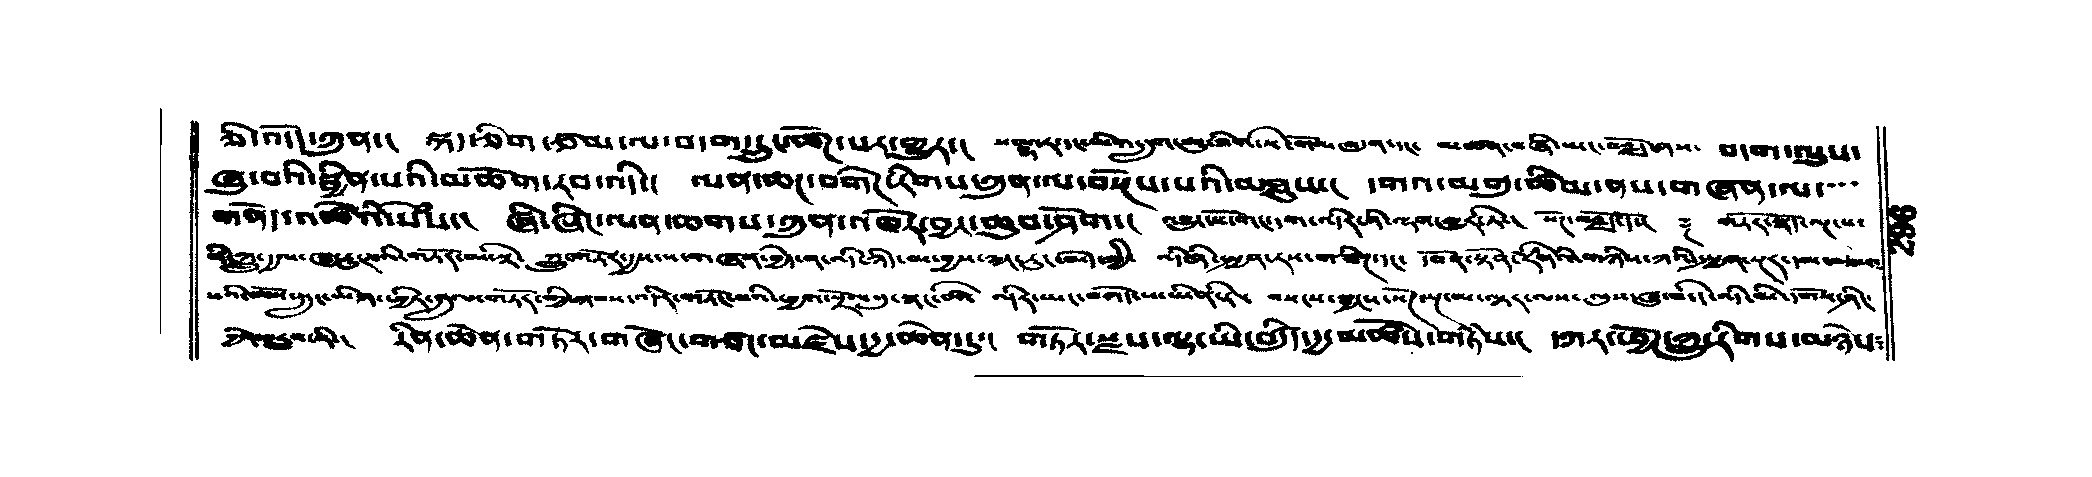ཅི་འདོད་ཀུན། །སྐད་ཅིག་ཙམ་ལ་བདག་ཏུ་ཚོགས་པར་གྱུར། ། སམྦྷ་ར་དང་ཡིག་དྲུག་ཆུ་ཐིག་ལེ་སེ་གོལ་བདུན་དང་། མཚན་བཞི་ཡང་བརྗོད་ནས། བདག་ལུས་
ཞུ་བའི་སྦྱིན་པའི་མཆོག་རབ་འདི། །ལན་ཆགས་བགེགས་རིགས་ཀུན་ལ་བསྔོས་པའི་མཐུས། །དགའ་མགུ་ཚིམ་ནས་གཞན་ལ་
གནོད་འཚེ་སེམས། །ཞི་ཞིང་ལན་ཆགས་ཀུན་འཁོར་བྱང་ཆུབ་ཤོག་འབྱུང་པོ་གང་དག་འདིར་ནི་ལྷགས་གྱུར་ཏེ། སོགས་བརྗོད་དོ། ༈ གཏོར་སྣོད་ལྔ་པ་
ནི་ཀླུ་རྒྱལ་ཝ་རུ་ཎའི་གཏོར་མ་སྟེ། ཀླུ་གཏོར་རྒྱས་པ་གཞན་བྱེད་ན་འདི་ཉིད་མ་བྱས་ཀྱང་རུང་མོད་ཀྱི། འདི་ནི་སྤྱན་རས་གཟིགས་དང་དབོན་སྟོན་རིན་པོ་ཆེའི་གཉིས་ཀའི་སྤྱན་སྔར་དམ་བཅས་
པའི་ཆོས་སྲུང་ཡིན་ཕྱིར་སྦྲུལ་གཏོར་གྱི་སྐབས་འདིར་གཏོང་བའི་ཕྱག་སྲོལ་དུ་སྣང་ཚེ། འདིར་ཡང་བཀོད་པ་ཡིན་ཏེ། བསངས་སྦྱང་སོགས་སྔ་མ་ལྟར་ལས་ལུས་ཞུ་བ་དེ་ཉིད་མི་དགོས་ཤིང་
བྱིན་བརླབ་ནི། རིན་ཆེན་གཏོར་གཞོང་གཙང་མཛེས་རྒྱ་ཆེན་དུ། །གཏོར་རྫས་ལྷ་ཡི་བདུད་རྩི་རྒྱ་མཚོས་གཏམས། །དཀར་ཕྱོགས་ཀླུ་རིགས་མཉེས་